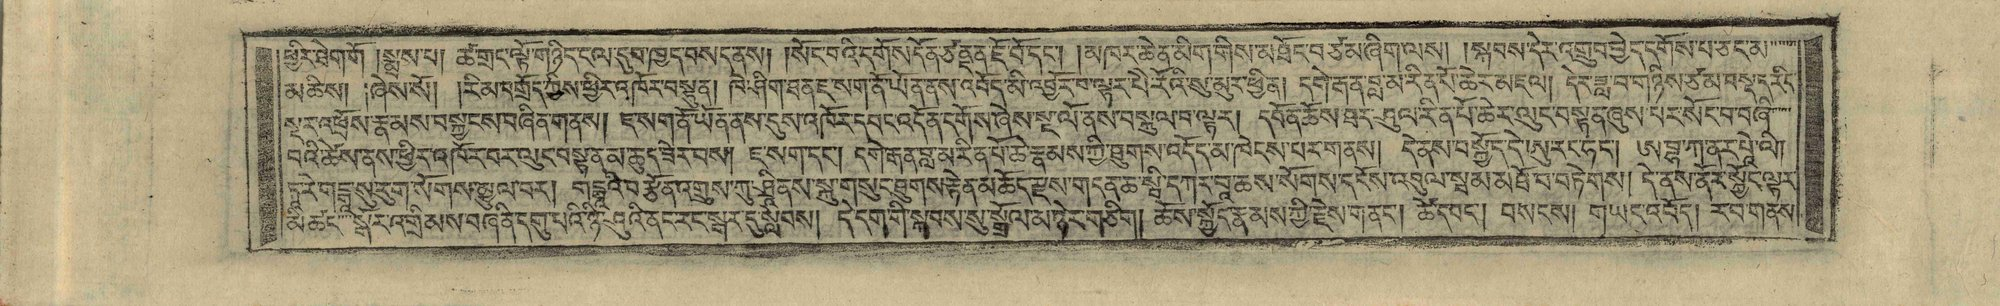ཕྱིར་ཐེག་གོ །སྨྲས་པ། ཚ་གྲང་ལྟོ་གཉིད་ངལ་དུབ་ཁྱད་བསད་ནས། །སོང་བའི་དགོས་དོན་ཙནྡན་ཇོ་བོ་དང་། །མཁར་ཆེན་མིག་གིས་མཐོང་བ་ཙམ་ཞིག་ལས། །སྐབས་དེར་འགྲུབ་བྱེད་དགོས་པ་ཅང་མ་
མཆིས། །ཞེས་སོ། །རིམ་བགྲོད་ཀྱིས་ཕྱིར་འཁོར་བསྟུན། ཁེ་ཤིག་ཐན་ཇ་སག་ནོ་ཡོན་ནས་འབོད་མི་འབྱོར་བ་ལྟར་པཻ་རོའི་སུ་མུར་ཕྱིན། དགེ་རྒན་བླ་མ་རིན་པོ་ཆེར་མཇལ། དེར་ཟླ་བ་གཉིས་ཙམ་བསྡད་རིང་
སྔར་འཕྲོས་རྣམས་བསྐྱངས་བཞིན་གནས། ཇ་སག་ནོ་ཡོན་ནས་དུས་འཁོར་དབང་འདོན་དགོས་ཞེས་སྔ་ལོ་ནས་བསྐུལ་བ་ལྟར། དབོན་ཆོས་ཐར་ཤུལ་རིན་པོ་ཆེར་ལུང་བསྟན་ཞུས་པར་སོང་བ་བཞི་
བའི་ཚེས་ནས་ཕྱིར་འཁོར་བར་ལུང་བསྟན་མ་ཆུད་ཟེར་བས། ཇ་སག་དང་། དགེ་རྒན་བླ་མ་རིན་པོ་ཆེ་རྣམས་ཀྱི་ཐུགས་འདོད་མ་ཁེངས་པར་གནས། དེ་ནས་བསྐྱོད་དེ་ཨུ་རང་ཧང་། ཨ་བྷ་ཀ་ནར་པE་ལི།
ཏཱ་རེ་གངྒཱ་སུ་རུག་སོགས་མྱུལ་བར། གངྒཱི་བརྩོན་འགྲུས་ཀུ་ཤྲཱི་ནས་སྐུ་གསུང་ཐུགས་རྟེན་མཆོད་རྫས་གདན་ཆ་སྦི་དཀར་བཱ་ཆས་སོགས་དངོས་འབུལ་སྦམ་མཐོ་བ་བཏེགས། དེ་ནས་ནོར་སྐྱོང་ལྟར་
མི་ཚང་སྒོར་འགྲིམས་བཞིན་དགུ་པའི་ཉི་ཤུའི་ནང་རང་སྒར་དུ་སླེབས། དེ་དག་གི་སྐབས་སུ་སྒྲོལ་མ་ཉེར་གཅིག །ཆོས་སྐྱོང་རྣམས་ཀྱི་རྗེས་གནང་། ཚེ་དབང་། བསངས། གཡང་འབོད། རབ་གནས་